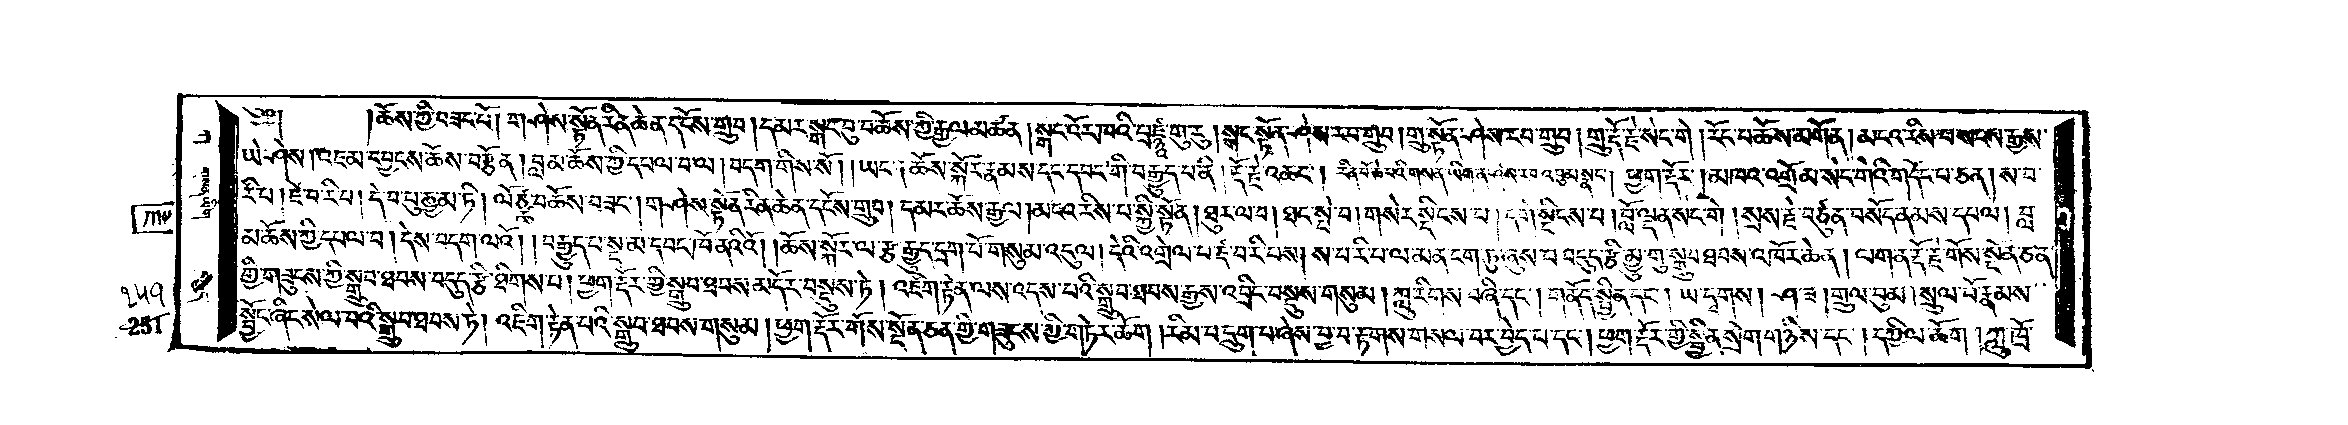༄༅། །ཆོས་ཀྱི་བཟང་པོ། གཤེས་སྟོན་རིན་ཆེན་དངོས་གྲུབ། དམར་སྒང་བུ་བ་ཆོས་ཀྱི་རྒྱལ་མཚན། སྒང་འོར་ཁའི་པྲྫྙའ་གུ་རུ། སྒང་སྟོན་ཤེས་རབ་གྲུབ། གྲུ་སྟོན་ཤེས་རབ་གྲུབ། གྲུ་རྡོ་རྗེ་སེང་གེ། རོང་བ་ཆོས་མགོན། མངའ་རིས་སངས་རྒྱས་
ཡེ་ཤེས། འཇམ་དབྱངས་ཆོས་བརྩོན། བླ་མ་ཆོས་ཀྱི་དཔལ་བ་ལ། བདག་གིས་སོ། །ཡང་། ཆོས་སྐོར་རྣམས་དང་དབང་གི་བརྒྱུད་པ་ནི། རྡོ་རྗེ་འཆང་། {རིན་པོ་ཆེ་པའི་གསན་ཡིག་ན་ཤེས་རབ་འབུམ་སྣང་།}་ཕྱག་རྡོར། མཁའ་འགྲོ་མ་སེང་གེའི་གདོང་པ་ཅན། ས་བ་
རི་པ། ཛེ་བ་རི་པ། དེ་བ་པུ་ཎྱ་མ་ཏི། ལོཙྪ། བ་ཆོས་བཟང་། གཤེས་སྟོན་རིན་ཆེན་དངོས་གྲུབ། དམར་ཆོས་རྒྱལ། མངའ་རིས་པ་སྐྱི་སྟོན། ཐུར་ལ་བ། ཐང་སྤེ་བ། གསེར་སྡིངས་པ། དགེ་སྡིངས་པ། བློ་ལྡན་སེང་གེ། སྲས་རྗེ་བཙུན་བསོད་ནམས་དཔལ། བླ་
མ་ཆོས་ཁི་དཔལ་བ། དེས་བདག་ལའོ། །བརྒྱུད་པ་སྔ་མ་དབང་ཁོ་ནའིའོ། །ཆོས་སྐོར་ལ་རྩ་རྒྱུད་དྲག་པོ་གསུམ་འདུལ། དེའི་འགྲེལ་པ་ཛ་བ་རི་པས། ས་པ་རི་པ་ལ་མན་ངག་ཏུ་ཞུས་པ་བདུད་རྩི་མྱུ་གུ་སྒྲུབ་ཐབས་འཁོར་ཆེན་།ལག་ན་རྡོ་རྗེ་གོས་སྔོན་ཅན་
བོས་བསད་པ་དང་། ཀླུ་རིགས་བཞི་མནན་པའི་ཆོ་ག །མཛེ་ནད་ཀྱི་མཚན་ཉིད། འཁོར་ཆེན་གྱི་བསྟོད་པ་རྣམས་ཇེ་བ་རི་པས་མཛད་པ་ལ། དེ་བ་པུ་ཎྱ་མ་ཏི་དང་མགར་ཆོས་བཟང་གི་འགྱུར། རྟེན་འབྲེལ་གྱི་བསྲུང་བ་ཛ་བ་རི་པ། པཎྜི་ཏ་སྔར་ལྟར་དང་། ལོཙྪ་བ་
ཤེའུ་བྫྲ་དེ་བའི་འགྱུར། བསད་པ་གསོ་བའི་ཆོ་ག་དང་། བདུད་རྩི་འོ་མའི་མཆོད་པ་མཛད་བྱང་མེད་པ་གཉིས་འགྱུར་དང་པོ་ལྟར་རོ། །དམར་པོའི་སྒྲུབ་དཀྱིལ་ཡང་ཐོབ། འདི་གཉིས་ཀྱང་ཛ་པ་རི་པས་མཛད་པར་རིན་པོ་ཆེའི་གསན་ཡིག་ན་སྨང།། ༈ སྒྲོལ་མ་ལྷ་